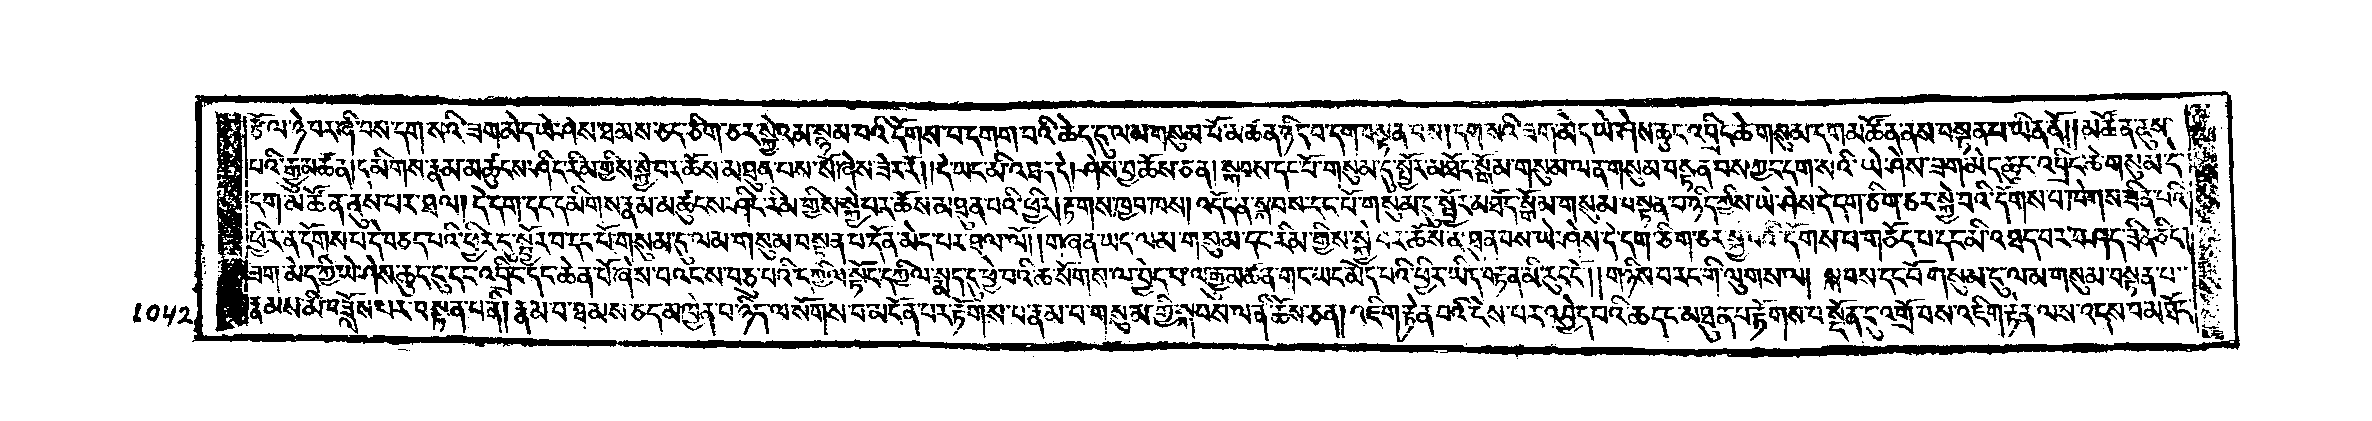རྩོལ་ཉེ་བར་ཞི་བས་དག་སའི་ཟག་མེད་ཡེ་ཤེས་ཐམས་ཅད་ཅིག་ཅར་སྐྱེའམ་སྙམ་པའི་དོགས་པ་དགག་པའི་ཆེད་དུ་ལམ་གསུམ་པོ་མཚན་ཉིད་པ་དག་བསྟན་པས། དག་སའི་ཟག་མེད་ཡེ་ཤེས་ཆུང་འབྲིང་ཆེ་གསུམ་དག་མཚོན་ནས་བསྟན་པ་ཡིན་ནོ། །མཚོན་ནུས་
པའི་རྒྱུ་མཚན། དམིགས་རྣམ་མཚུངས་ཤིང་རིམ་གྱིས་སྐྱེ་བར་ཆོས་མཐུན་པས་སོ་ཞེས་ཟེར་རོ། །དེ་ཡང་མི་འཐད་དེ། ཤེས་བྱ་ཆོས་ཅན། སྐབས་དང་པོ་གསུམ་དུ་སྦྱོར་མཐོང་སྒོམ་གསུམ་ལན་གསུམ་བསྟན་བས་ཀྱང་དག་སའི་ཡེ་ཤེས་ཟག་མེད་ཆུང་འབྲིང་ཆེ་གསུམ་དེ་
དག་མཚོན་ནུས་པར་ཐལ། དེ་དག་དང་དམིགས་རྣམ་མཚུངས་ཤིང་རིམ་གྱིས་སྐྱེ་བར་ཆོས་མཐུན་པའི་ཕྱིར། རྟགས་ཁྱབ་ཁས། འདོད་ན་སྐབས་དང་པོ་གསུམ་དུ་སྦྱོར་མཐོད་སྒོམ་གསུམ་བསྟན་པ་ཉིད་ཀྱིས་ཡེ་ཤེས་དེ་དག་ཅིག་ཅར་སྐྱེ་བའི་དོགས་པ་ཁེགས་ཟིན་པའི་
ཕྱིར་ན་དོགས་པ་དེ་བཅད་པའི་ཕྱིར་དུ་སྦྱོར་བ་དང་པོ་གསུམ་དུ་ལམ་གསུམ་བསྟན་པ་དོན་མེད་པར་ཐལ་ལོ། །གཞན་ཡང་ལམ་གསུམ་དང་རིམ་གྱིས་སྐྱེ་བར་ཆོས་མཐུན་པས་ཡེ་ཤེས་དེ་དག་ཅིག་ཅར་སྐྱེ་བའི་དོགས་པ་གཅོད་པ་དང་མི་འཐད་པར་བཤད་ཟིན་ཅིང་།
ཟག་མེད་ཀྱི་ཡེ་ཤེས་ཆུང་ངུ་དང་འབྲིང་དང་ཆེན་པོ་ཞེས་པའང་ས་བཅུ་པའི་དཀྱིལ་སྟོང་དཀྱིལ་སྨད་དུ་ཕྱེ་བའི་ཆ་སོགས་ལ་བྱེད་པ་ལ་རྒྱུ་མཚན་གང་ཡང་མེད་པའི་ཕྱིར་ཡིད་བརྟན་མི་རུང་ངོ། །གཉིས་པ་རང་གི་ལུགས་ལ། སྐབས་དང་པོ་གསུམ་དུ་ལམ་གསུམ་བསྟན་པ་
ཕ༹རྣམས་མི་བཟློས་པར་བསྟན་པ་ནི། རྣམ་པ་ཐམས་ཅད་མཁྱེན་པ་ཉིད་ལ་སོགས་པ་མངོན་པར་རྟོགས་པ་རྣམ་པ་གསུམ་གྱི་སྐབས་ལ་ནི་ཆོས་ཅན། འཇིག་རྟེན་པའི་ངེས་པར་འབྱེད་པའི་ཆ་དང་མཐུན་པ་རྟོགས་པ་སྔོན་དུ་འགྲོ་བས་འཇིག་རྟེན་ལས་འདས་པ་མཐོང་